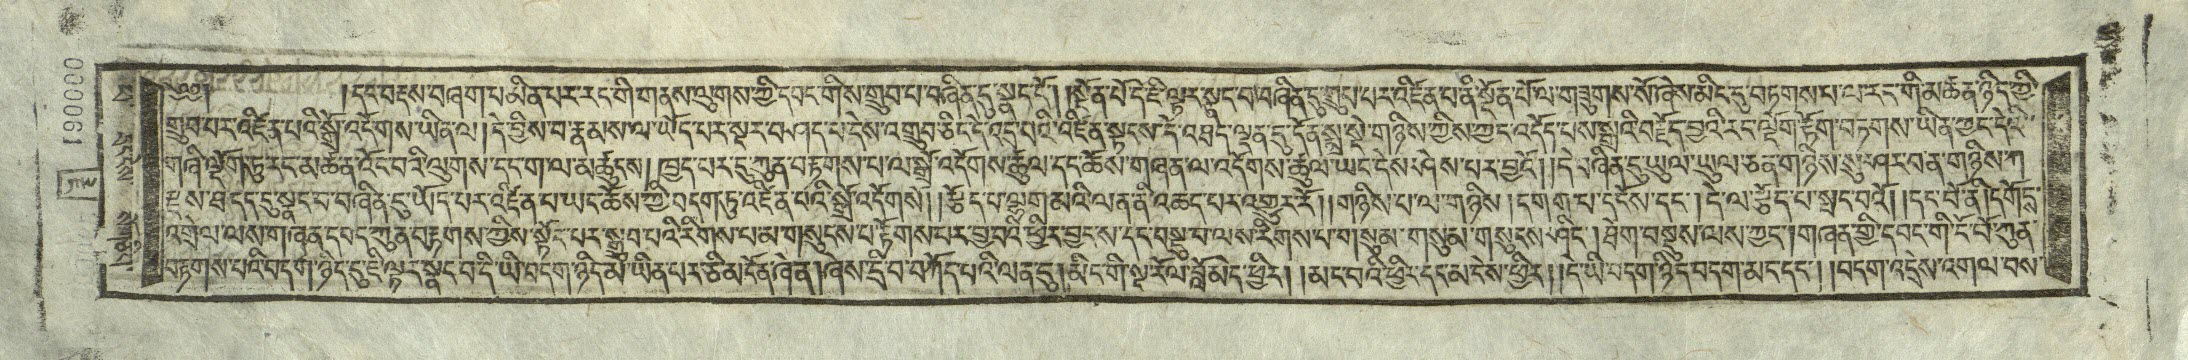༄༅། །དང་བརྡས་བཞག་པ་མིན་པར་རང་གི་གནས་ལུགས་ཀྱི་དབང་གིས་གྲུབ་པ་བཞིན་དུ་སྣང་ངོ། །སྔོན་པོ་དེ་ཇི་ལྟར་སྣང་བ་བཞིན་དུ་གྲུབ་པར་འཛིན་པ་ནི་སྔོན་པོ་ལ་གཟུགས་སོ་ཞེས་མིང་དུ་བཏགས་པ་ལ་རང་གི་མཚན་ཉིད་ཀྱིས་
གྲུབ་པར་འཛིན་པའི་སྒྲོ་འདོགས་ཡིན་ལ། དེ་བྱིས་པ་རྣམས་ལ་ཡོད་པར་སྔར་བཤད་པ་དེས་འགྲུབ་ཅིང་དེ་འདྲ་བའི་འཛིན་སྟངས་དེ་འཐད་ལྡན་དུ་དོན་སྨྲ་སྡེ་གཉིས་ཀྱིས་ཀྱང་འདོད་པས་སྒྲའི་བརྗོད་བྱའི་རང་ལྡོག་རྟོག་བཏགས་ཡིན་ཀྱང་དེའི་
གཞི་ལྡོག་ཏུ་རང་མཚན་འོང་བའི་ལུགས་དང་ག་ལ་མཚུངས། ཁྱད་པར་དུ་ཀུན་བརྟགས་པ་ལ་སྒྲོ་འདོགས་ཚུལ་དང་ཆོས་གཞན་ལ་འདོགས་ཚུལ་ཡང་དེས་ཤས་པར་བྱའོ། །དེ་བཞིན་དུ་ཡུལ་ཡུལ་ཅན་གཉིས་སུ་ཤར་བ་ན་གཉིས་ཀ་
རྫས་ཐ་དད་དུ་སྣང་བ་བཞིན་དུ་ཡོད་པར་འཛིན་པ་ཡང་ཆོས་ཀྱི་བདག་ཏུ་འཛིན་པའི་སྒྲོ་འདོགས་སོ། །རྩོད་པ་ལྷག་མའི་ལན་ནི་འཆད་པར་འགྱུར་རོ། །གཉིས་པ་ལ་གཉིས། དགག་པ་དངོས་དང་། དེ་ལ་རྩོད་པ་སྤང་བའོ། །དང་པོ་ནི། དགོངས་
འགྲེལ་ལས་གཞན་དབང་ཀུན་བརྟགས་ཀྱིས་སྟོང་བར་སྒྲུབ་པའི་རིགས་པ་མ་གསུངས་པ་རྟོགས་པར་བྱ་བའི་ཕྱིར་བྱང་ས་དང་བསྡུ་བ་ལས་རིགས་པ་གསུམ་གསུམ་གསུངས་ཤིང་། ཐེག་བསྡུས་ལས་ཀྱང་། གཞན་གྱི་དབང་གི་ངོ་བོ་ཀུན་
བརྟགས་པའི་བདག་ཉིད་དུ་ཇི་ལྟར་སྣང་བ་དེ་ཡི་བདག་ཉིད་མ་ཡིན་པར་ཅི་མངོན་ཞེ་ན། ཞེས་དྲི་བ་བཀོད་པའི་ལན་དུ། མིང་གི་སྔ་རོལ་བློ་མེད་ཕྱིར། །མང་བའི་ཕྱིར་དང་མ་ངེས་ཕྱིར། །དེ་ཡི་བདག་ཉིད་བདག་མང་དང་། །བདག་འདྲེས་འགྲལ་བས་